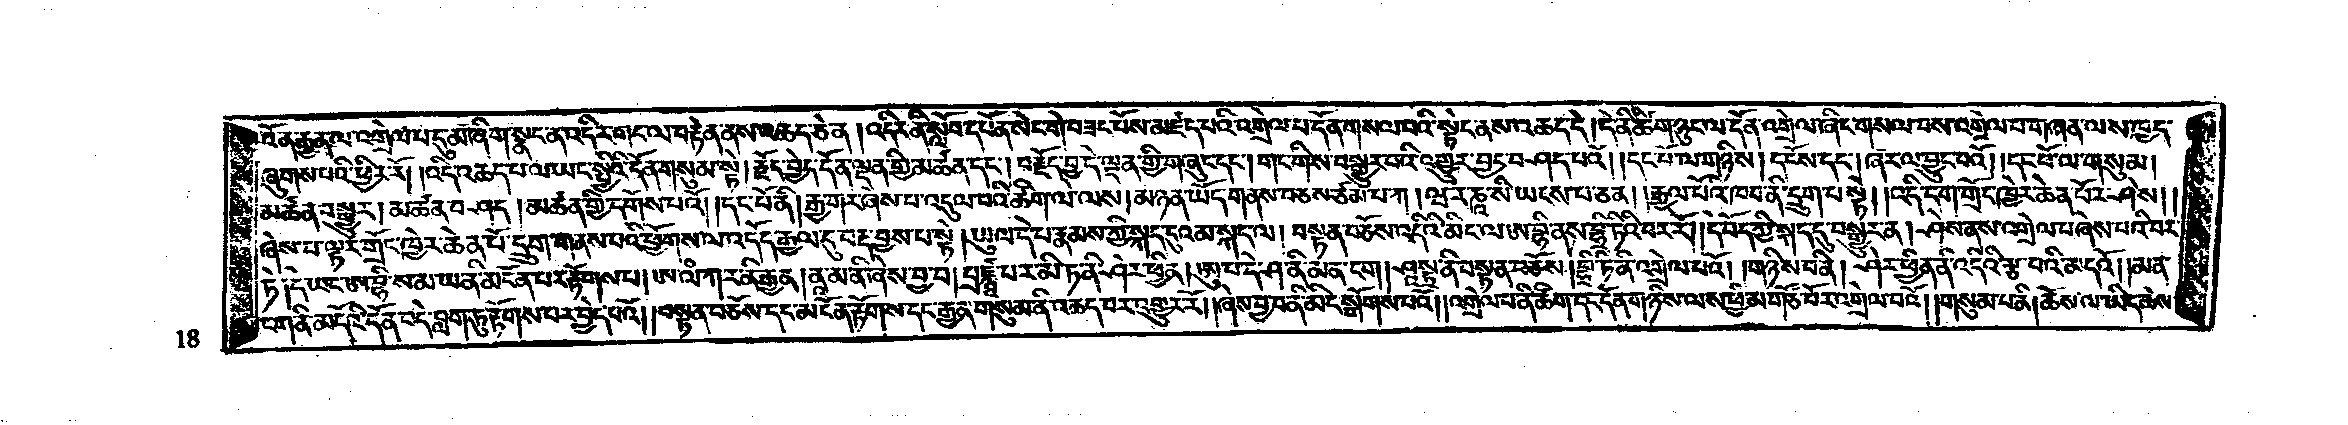འོ་ན་རྒྱན་ལ་འགྲེལ་པ་དུ་མ་ཞིག་སྣང་ན་འདིར་གང་ལ་བརྟེན་ནས་འཆད་ཅེ་ན། འདིར་ནི་སློབ་དཔོན་སེང་གེ་བཟང་པོས་མཛད་པའི་འགྲེལ་པ་དོན་གསལ་བའི་སྟེང་ནས་འཆད་དེ། དེ་ནི་ཚིག་ཉུང་ལ་དོན་འགྲེལ་ཞིང་གསལ་བས་འགྲེལ་པ་གཞན་ལས་ཁྱད་
ཞུགས་པའི་ཕྱིར་རོ། །འདི་འཆད་པ་ལ་ཡང་སྤྱིའི་དོན་གསུམ་སྟེ། རྗོད་བྱེད་དོན་ལྡན་གྱི་མཚན་དང་། བརྗོད་བྱ་དེ་ལྡན་གྱི་གཞུང་དང་། གང་གིས་བསྒྱུར་བའི་འགྱུར་བྱང་བཤད་པའོ། །དང་པོ་ལ་གཉིས། དངོས་དང་། ཞར་ལ་བྱུང་བའོ། །དང་པོ་ལ་གསུམ།
མཚན་བསྒྱུར། མཚན་བཤད། མཚན་གྱི་དགོས་པའོ། །དང་པོ་ནི། རྒྱ་གར་ཞེས་པ་འདུལ་བའི་ཚིག་ལེ་ལས། མཉན་ཡོད་གནས་བཅས་ཙམ་པ་ཀ །ཝ་ར་ཎཱ་སེ་ཡངས་པ་ཅ་ན། །རྒྱལ་པོའི་ཁབ་ནི་དྲུག་པ་སྟེ། །འདི་དག་གྲོང་ཁྱེར་ཆེན་པོར་ཤེས། །
ཞེས་པ་ལྟར་གྲོང་ཁྱེར་ཆེན་པོ་དྲུག་གནས་པའི་ཕྱོགས་ལ་འདོད་རྒྱལ་དུ་བརྡ་བྱས་པ་སྟེ། ཡུལ་དེ་པ་རྣམས་ཀྱི་སྐད་དུའམ་སྐད་ལ། བསྟན་བཅོས་འདིའི་མིང་ལ་ཨ་བྷི་ནས་བྷྲི་ཏིའི་བར་རོ། །དེ་བོད་ཀྱི་སྐད་དུ་བསྒྱུར་ན། ཤེས་ནས་འགྲེལ་པ་ཞེས་པའི་བར་
ཏེ། དེ་ཡང་ཨ་བྷི་ས་མ་ཡ་ནི་མངོན་པར་རྟོགས་པ། ཨ་ལཾ་ཀ་ར་ནི་རྒྱན། ནཱ་མ་ནི་ཞེས་བྱ་བ། པྲ་ཛྙཱ་པ་ར་མི་ཏ་ནི་ཤེར་ཕྱིན། ཨུ་པ་དེ་ཤ་ནི་མན་ངག །ཤཱ་སྟྲ་ནི་བསྟན་བཅོས། བྷྲི་ཏི་ནི་འགྲེལ་པའོ། །གཉིས་པ་ནི། ཤེར་ཕྱིན་ནི་འདིའི་རྩ་བའི་མདོའོ། །མན་
ངག་ནི་མདོའི་དོན་བདེ་བླག་ཏུ་རྟོགས་པར་བྱེད་པའོ། །བསྟན་བཅོས་དང་མངོན་རྟོགས་དང་རྒྱན་གསུམ་ནི་འཆད་པར་འགྱུར་རོ། །ཞེས་བྱ་བ་ནི་མིང་སྒྲོགས་པའོ། །འགྲེལ་པ་ནི་ཚིག་དང་དོན་གཉིས་ལས་ཕྱི་མ་གཙོ་བོར་འགྲེལ་བའོ། །གསུམ་པ་ནི། ཆོས་ལ་ཡིད་ཆེས་